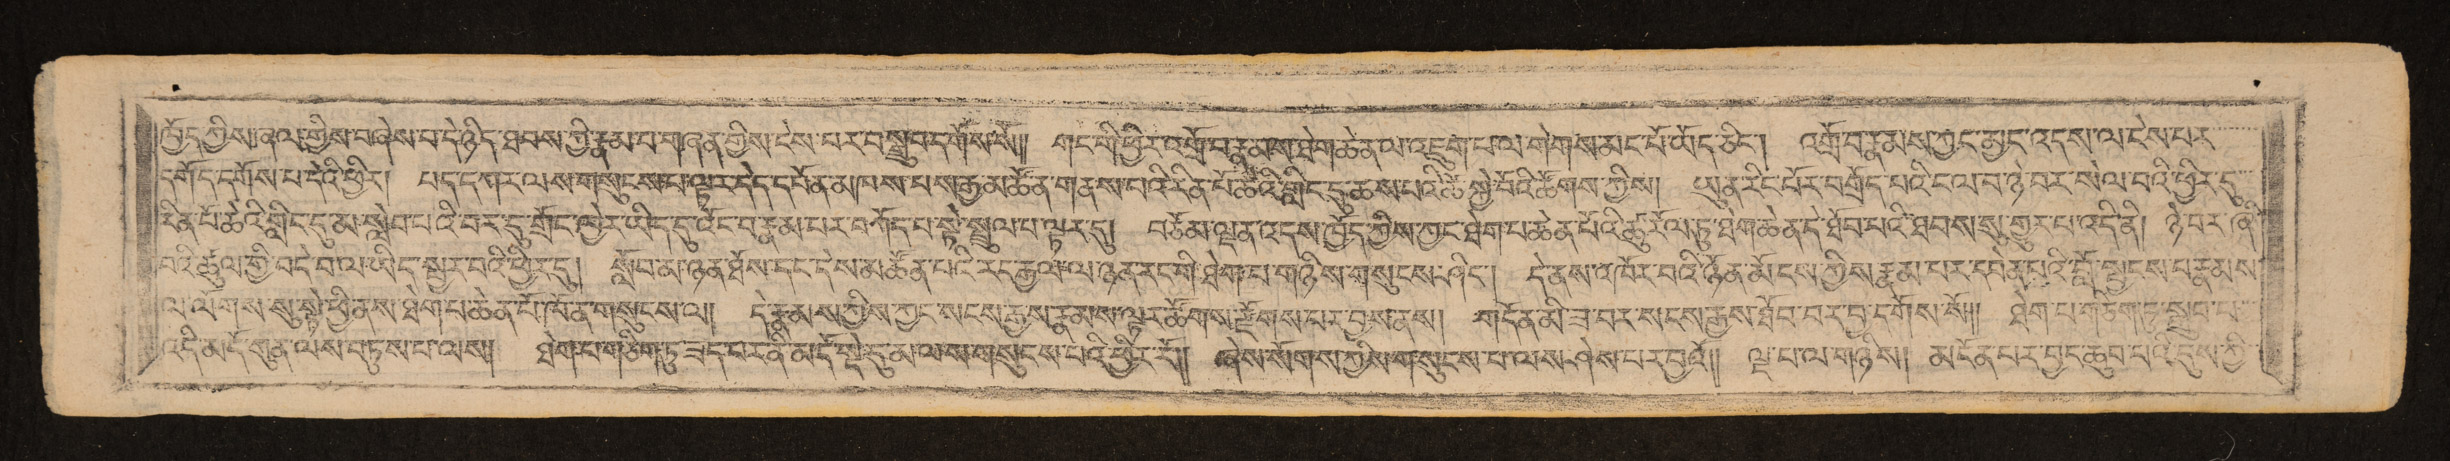ཁྱོད་ཀྱིས་ཞལ་གྱིས་བཞེས་པ་དེ་ཉིད་ཐབས་ཀྱི་རྣམ་པ་གཞན་གྱིས་ངེས་པར་བསྒྲུབ་དགོས་སོ།། གང་གི་ཕྱིར་འགྲོ་བ་རྣམས་ཐེག་ཆེན་ལ་འཇུག་པ་ལ་གེགས་མང་པོ་ཡོད་ཅིང་། འགྲོ་བ་རྣམས་ཀྱང་མྱང་འདས་ལ་ངེས་པར་
དགོད་དགོས་པ་དེའི་ཕྱིར། པད་དཀར་ལས་གསུངས་པ་ལྟར་དེད་དཔོན་མཁས་པས་རྒྱ་མཚོ་ན་གནས་པའི་རིན་པོ་ཆེའི་གླིང་དུ་ཆས་པའི་ཚེ་སྐྱེ་བོའི་ཚོགས་ཀྱིས། ཡུན་རིང་པོར་བགྲོད་པའི་ངལ་བ་ཉེ་བར་སེལ་བའི་ཕྱིར་དུ་
རིན་པོ་ཆེའི་གླིང་དུ་མ་སླེབ་པའི་བར་དུ་གྲོང་ཁྱེར་ཡིད་དུ་འོང་བ་རྣམ་པར་བཀོད་པ་སྟེ་སྤྲུལ་པ་ལྟར་དུ། བཅོམ་ལྡན་འདས་ཁྱོད་ཀྱིས་ཀྱང་ཐེག་པ་ཆེན་པོའི་ཚུ་རོལ་ཏུ་ཐེག་ཆེན་དེ་ཐོབ་པའི་ཐབས་སུ་གྱུར་པ་འདི་ནི། ཉེ་བར་ཞི་
བའི་ཚུལ་གྱི་བདེ་བ་ལ་ཡིད་སྦྱར་བའི་ཕྱིར་དུ། སློབ་མ་ཉན་ཐོས་དང་དེས་མཚོན་པའི་རང་རྒྱལ་ལ་ཉན་རང་གི་ཐེག་པ་གཉིས་གསུངས་ཤིང་། དེ་ནས་འཁོར་བའི་ཉོན་མོངས་ཀྱིས་རྣམ་པར་དབེན་པའི་བློ་སྦྱངས་པ་རྣམས་
ལ་ལོགས་སུ་སྟེ་ཕྱི་ནས་ཐེག་པ་ཆེན་པོ་ཁོ་ན་གསུངས་ལ། དེ་རྣམས་ཀྱིས་ཀྱང་སངས་རྒྱས་རྣམས་ལྟར་ཚོགས་རྫོགས་པར་བྱས་ནས། གདོན་མི་ཟ་བར་སངས་རྒྱས་ཐོབ་པར་བྱ་དགོས་སོ།། ཐེག་པ་གཅིག་ཏུ་སྒྲུབ་པ་
འདི་མདོ་ཀུན་ལས་བཏུས་པ་ལས། ཐེག་པ་གཅིག་ཏུ་ཟད་པར་ནི་མདོ་སྡེ་དུ་མ་ལས་གསུངས་པའི་ཕྱིར་རོ།། ཞེས་སོགས་ཀྱིས་གསུངས་པ་ལས་ཤེས་པར་བྱའོ།། ལྔ་པ་ལ་གཉིས། མངོན་པར་བྱང་ཆུབ་པའི་དུས་ཀྱི་